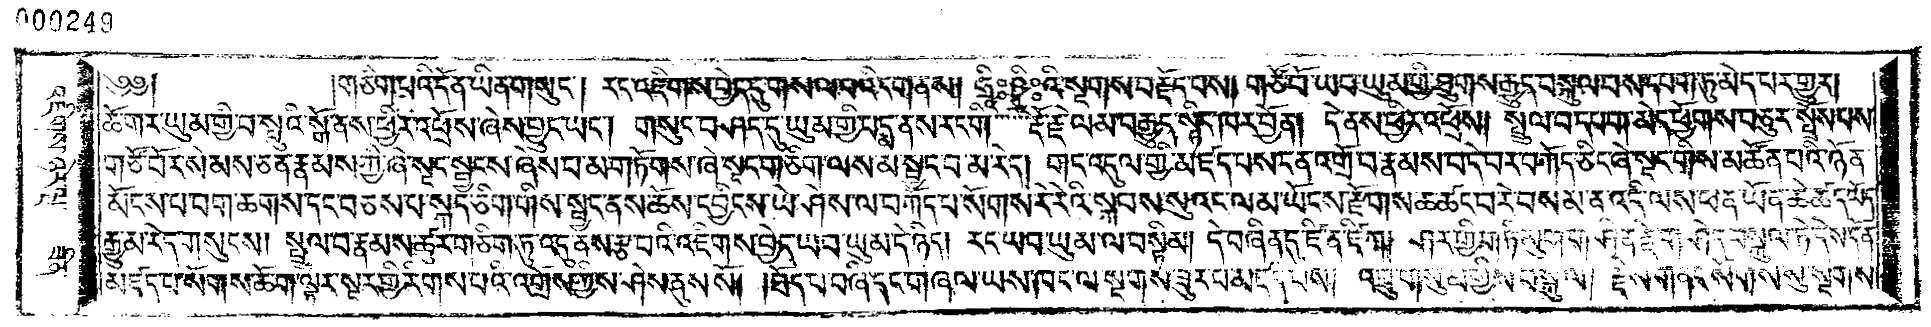༄༅། །གཅིག་པའི་དོན་ཡིན་གསུང་། རང་འཇིགས་བྱེད་དུ་གསལ་བའི་ངག་ནས། ཧྲཱིཿ ཥྚྲིཿ འི་སྔགས་བརྗོད་པས། གཙོ་བོ་ཡབ་ཡུམ་གྱི་ཐུགས་རྒྱུད་བསྐུལ་བས་དཔག་ཏུ་མེད་པར་གྱུར།
ཆོ་གར་ཡུམ་གྱི་བ་སྤུའི་སྒོ་ནས་ཕྱིར་འཕྲོས་ཞེས་བྱུང་ཡང་། གསུང་བཤད་དུ་ཡུམ་གྱི་པདམ་ནས་རང་གི་རྡོ་རྗེ་ལམ་བརྒྱུད་སྙིང་ཁར་བྱོན། དེ་ནས་ཕྱིར་འཕྲོས། སྤྲུལ་པ་དཔག་མེད་ཕྱོགས་བཅུར་སྤྲོས་པས་
གཙོ་བོར་སེམས་ཅན་རྣམས་ཀྱི་ཞེ་སྡང་སྦྱངས་ཞེས་པ་མ་གཏོགས་ཞེ་སྡང་གཅིག་ལས་མ་སྦྱང་བ་མ་རེད། གང་འདུལ་གྱི་མཛད་པས་ངན་འགྲོ་བ་རྣམས་བདེ་བར་བཀོད་ཅིང་ཞེ་སྡང་གིས་མཚོན་པའི་ཉོན་
མོངས་པ་བག་ཆགས་དང་བཅས་པ་སྐད་ཅིག་གིས་སྦྱང་ནས་ཆོས་དབྱིངས་ཡེ་ཤེས་ལ་བཀོད་པ་སོགས་རེ་རེའི་སྐབས་སུའང་ལམ་ཡོངས་རྫོགས་ཆ་ཚང་བ་རེ་བསམ་ན་འདི་ལས་ཕན་ཡོན་ཆེ་ཚད་ཡོད་
རྒྱུ་མ་རེད་གསུངས། སྤྲུལ་བ་རྣམས་ཚུར་གཅིག་ཏུ་འདུ་ནས་རྩ་བའི་འཇིགས་བྱེད་ཡབ་ཡུམ་དེ་ཉིད། རང་ཡབ་ཡུམ་ལ་བསྟིམ། དེ་བཞིན་དུ་ཛི་ན་ཛི་ཀ། ཤར་གྱི་གཏི་མུག་གཤིན་རྗེ་གཤེད་བསྐུལ་ཏེ་དེས་དོན་
མཛད་པ་སོགས་ཆོ་ག་ལྟར་སྔར་གྱི་རིགས་པའི་འགྲོས་ཀྱིས་ཤེས་ནུས་སོ། །ཐོད་པ་བཞི་དང་གཞལ་ཡས་ཁང་ལ་སྔགས་ཟུར་པ་མཛད་པས། འབྲུ་གསུམ་གྱིས་བསྐུལ། རྗེས་གནང་སོགས་སུ་སྔགས་